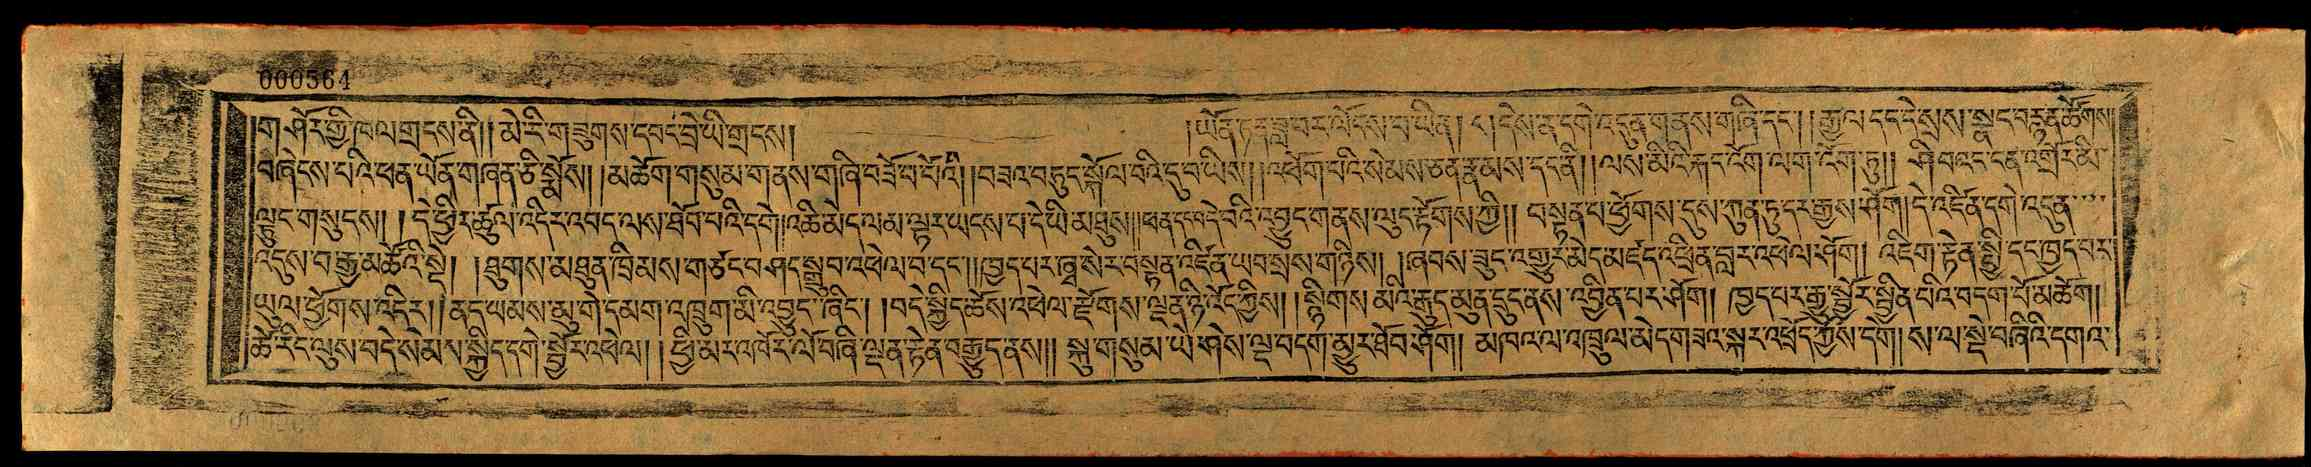གཤོར་གྱི་ཁལ་གྲངས་ནི། །མེ་རི་གཟུགས་དབང་བྲེ་ཡི་གྲངས། །ཡོན་ཏན་ཟླ་བར་ལོངས་པ་ཡིན། ༨་།དེས་ན་དགེ་འདུན་གནས་གཞི་དང་། །རྒྱལ་དང་དེ་སྲས་སྣང་བརྙན་ཚོགས་
བཞེངས་པའི་ཕན་ཡོན་གཞན་ཅི་སྨོས། །མཆོག་གསུམ་གནས་གཞི་བཟོ་བ་པོའི།།བཟའ་བཏུང་སྐོལ་བའི་དུ་བ་ཡིས། །འཕོག་པའི་སེམས་ཅན་རྣམས་དང་ནི། །ལས་མིའི་རྐང་འོག་ལག་འོག་ཏུ། །ཤི་བའང་ངན་འགྲོར་མི་
ལྷུང་གསུངས། །དེ་ཕྱིར་ཚུལ་འདིར་འབད་ལས་ཐོབ་པའི་དགེ། །འཆི་མེད་ལམ་ལྟར་ཡངས་པ་དེ་ཡི་མཐུས། །ཕན་དང་བདེ་བའི་འབྱུང་གནས་ལུང་རྟོགས་ཀྱི། །བསྟན་པ་ཕྱོགས་དུས་ཀུན་ཏུ་དར་རྒྱས་ཤོག །དེ་འཛིན་དགེ་འདུན་
འདུས་པ་རྒྱ་མཚོའི་སྡེ། །ཐུགས་མཐུན་ཁྲིམས་གཙང་བཤད་སྒྲུབ་འཕེལ་བ་དང་། །ཁྱད་པར་ཞྭ་སེར་བསྟན་འཛིན་ཡབ་སྲས་གཉིས། །ཞབས་ཟུང་འགྱུར་མེད་མཛད་འཕྲིན་བླར་འཕེལ་ཤོག །འཇིག་རྟེན་སྤྱི་དང་ཁྱད་པར་
ཡུལ་ཕྱོགས་འདིར། །ས་མུ་གེ་དམག་འཁྲུག་མི་འབྱུང་ཞིང་། །བདེ་སྐྱིད་ཆོས་འཕེལ་རྫོགས་ལྡན་ཉི་འོད་ཀྱིས། །སྙིགས་མའི་རྒུད་མུན་དྲུང་ནས་འབྱིན་པར་ཤོག །ཁྱད་པར་རྒྱུ་སྦྱོར་སྦྱིན་པའི་བདག་པོ་མཆོག་
ཚེ་རིང་ལུས་བདེ་སེམས་སྐྱེད་དགེ་སྦྱོར་འཕེལ། །ཕྱི་མར་འཁོར་ལོ་བཞི་ལྡན་རྟེན་བརྒྱུད་ནས། །སྐུ་གསུམ་ཡེ་ཤེས་ལྔ་བདག་མྱུར་ཐོབ་ཤོག །མཁའ་ལ་འཁྲུལ་མེད་གཟའ་སྐར་འཕྲོད་ཀྱིས་དགེ། །ས་ལ་སྡེ་བཞིའི་དགའ་